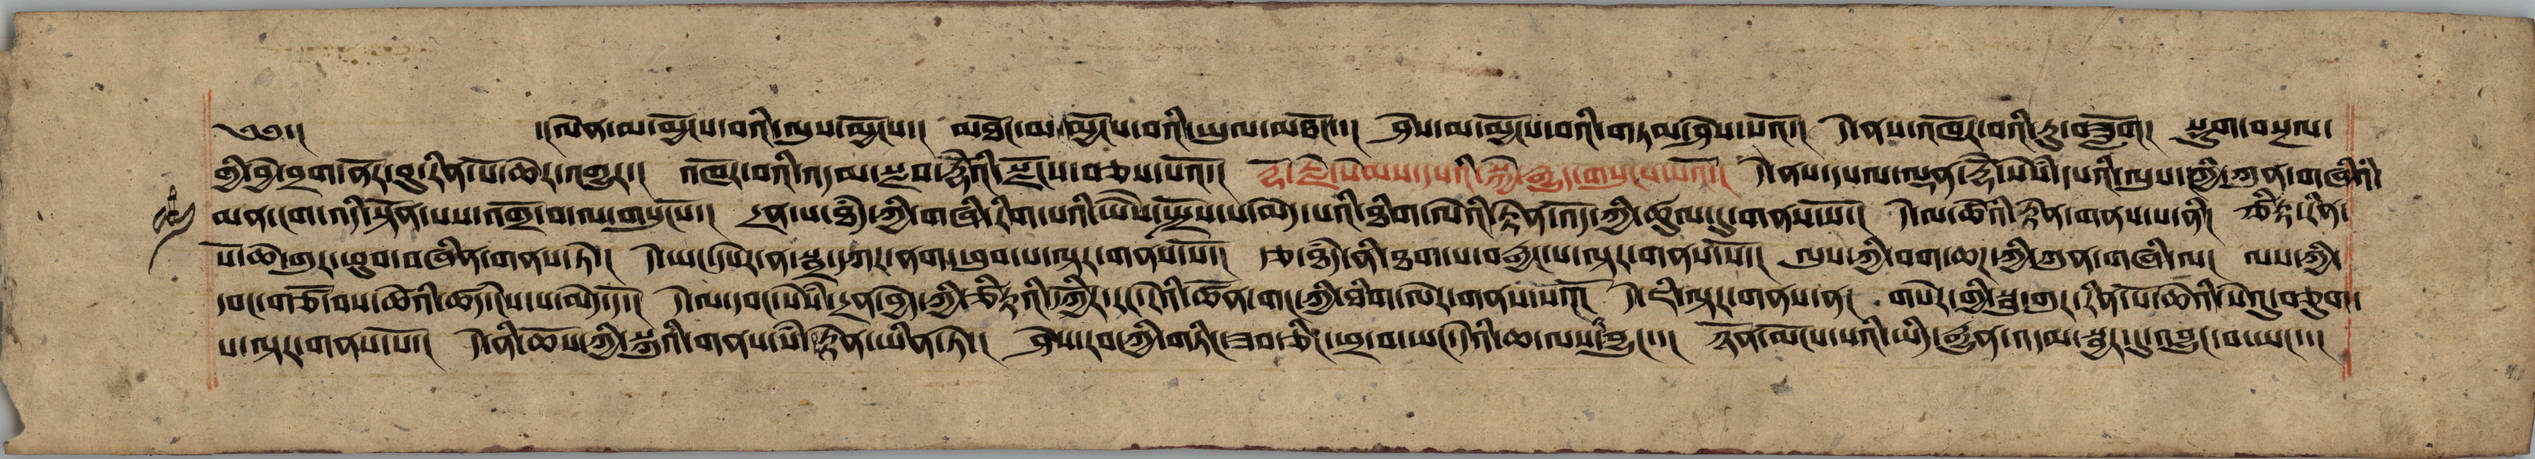༄༅་། ་།ལེན་མ་མྱོངས་བའི་ལུས་མྱོངས་། མཐོང་མ་མྱོངས་བའི་ཡུལ་མཐོང་་། ཤེས་མ་མྱོངས་བའི་གཏམ་ཤེས་པའོ་། དེ་ནས་འཁོར་བའི་རུ་བཟློག། སྡུག་བསྔལ་
གྱི་བྱེ་བྲག་ནོར་བུ་རིན་པོ་ཆེར་འགྱུར་། འཁོར་བའི་འདམ་སྫབ་རྡོེའི་སྫོངས་བཅས་པའོ་། རྡོ་རྗེ་སེམས་དཔའི་སྐྱེ་རྒྱུད་གསུངས་པའོ་། དེ་ནས་དཔལ་ལྡན་རྡོེ་སེཾས་དཔའི་ལུས་ཀྱི་ཀུན་གཞིའི་
མན་ངག་འདི་སྟོན་པས་འགྲོ་བ་ལ་གསུངསོ་། དྲན་པ་ཐཾད་ཀྱི་གཞི་རིག་པའི་ཡཻས་སྤྲོས་པ་མེད་པའི་ཐིག་ལེའི་རྟེན་འོད་ཀྱི་ཚུལ་དུ་གནས་སོ་། དེ་ལ་ཚེའི་རྟེན་གནས་པ་ནི། ཙིཏྟ་རིན་
པོ་ཆེ་གུར་ཕུབ་བཞིན་གནས་ཏེ་། དེ་ཡང་དཔེར་ན་སྦྲ་དཀར་ནག་ཕུབ་པ་ལྟར་གནས་སོ་། རྩ་ཐཾད་ནི་ཐག་པ་བརྒྱང་པ་ལྟར་གནས་སོ་། ལུས་ཀྱི་བག་ཆཌ་ཀྱི་ཀུན་གཞི་ལ། ལས་ཀྱི་
དབང་གཙོ་བས་ཚེའི་ཚད་ངེས་པ་མེད་དོ་། དེ་ལ་དབང་སེཾས་དྲན་བྱེད་ཀྱི་ཙིཏྟའི་དཀྱིོར་རང་རེའི་ཚོན་གང་ཀྱི་ཐིག་ལེར་གནས་པའོ་། དེ་ཇི་ལྟར་གནས་ན། གསེར་གྱི་སྦུ་གུར་རིན་པོ་ཆེའི་སེའུ་བཅུག་
པ་ལྟར་གནས་སོ་། དེ་ནི་ཆོས་ཀྱི་སྐུའི་གནས་སཾ་རྟེན་ཡིན་ཏེ་། ཤེས་རབ་ཀྱི་གཏིང་ཟབ་ཅིང་ཕྲ་བ་ཡང་དེའི་ཆ་ལས་བྱུང་་། ཉོན་མོངས་པའི་ཡིད་རྒྱུན་འདམ་སྦྱར་དུ་འབྱུང་བ་ཡང་་།